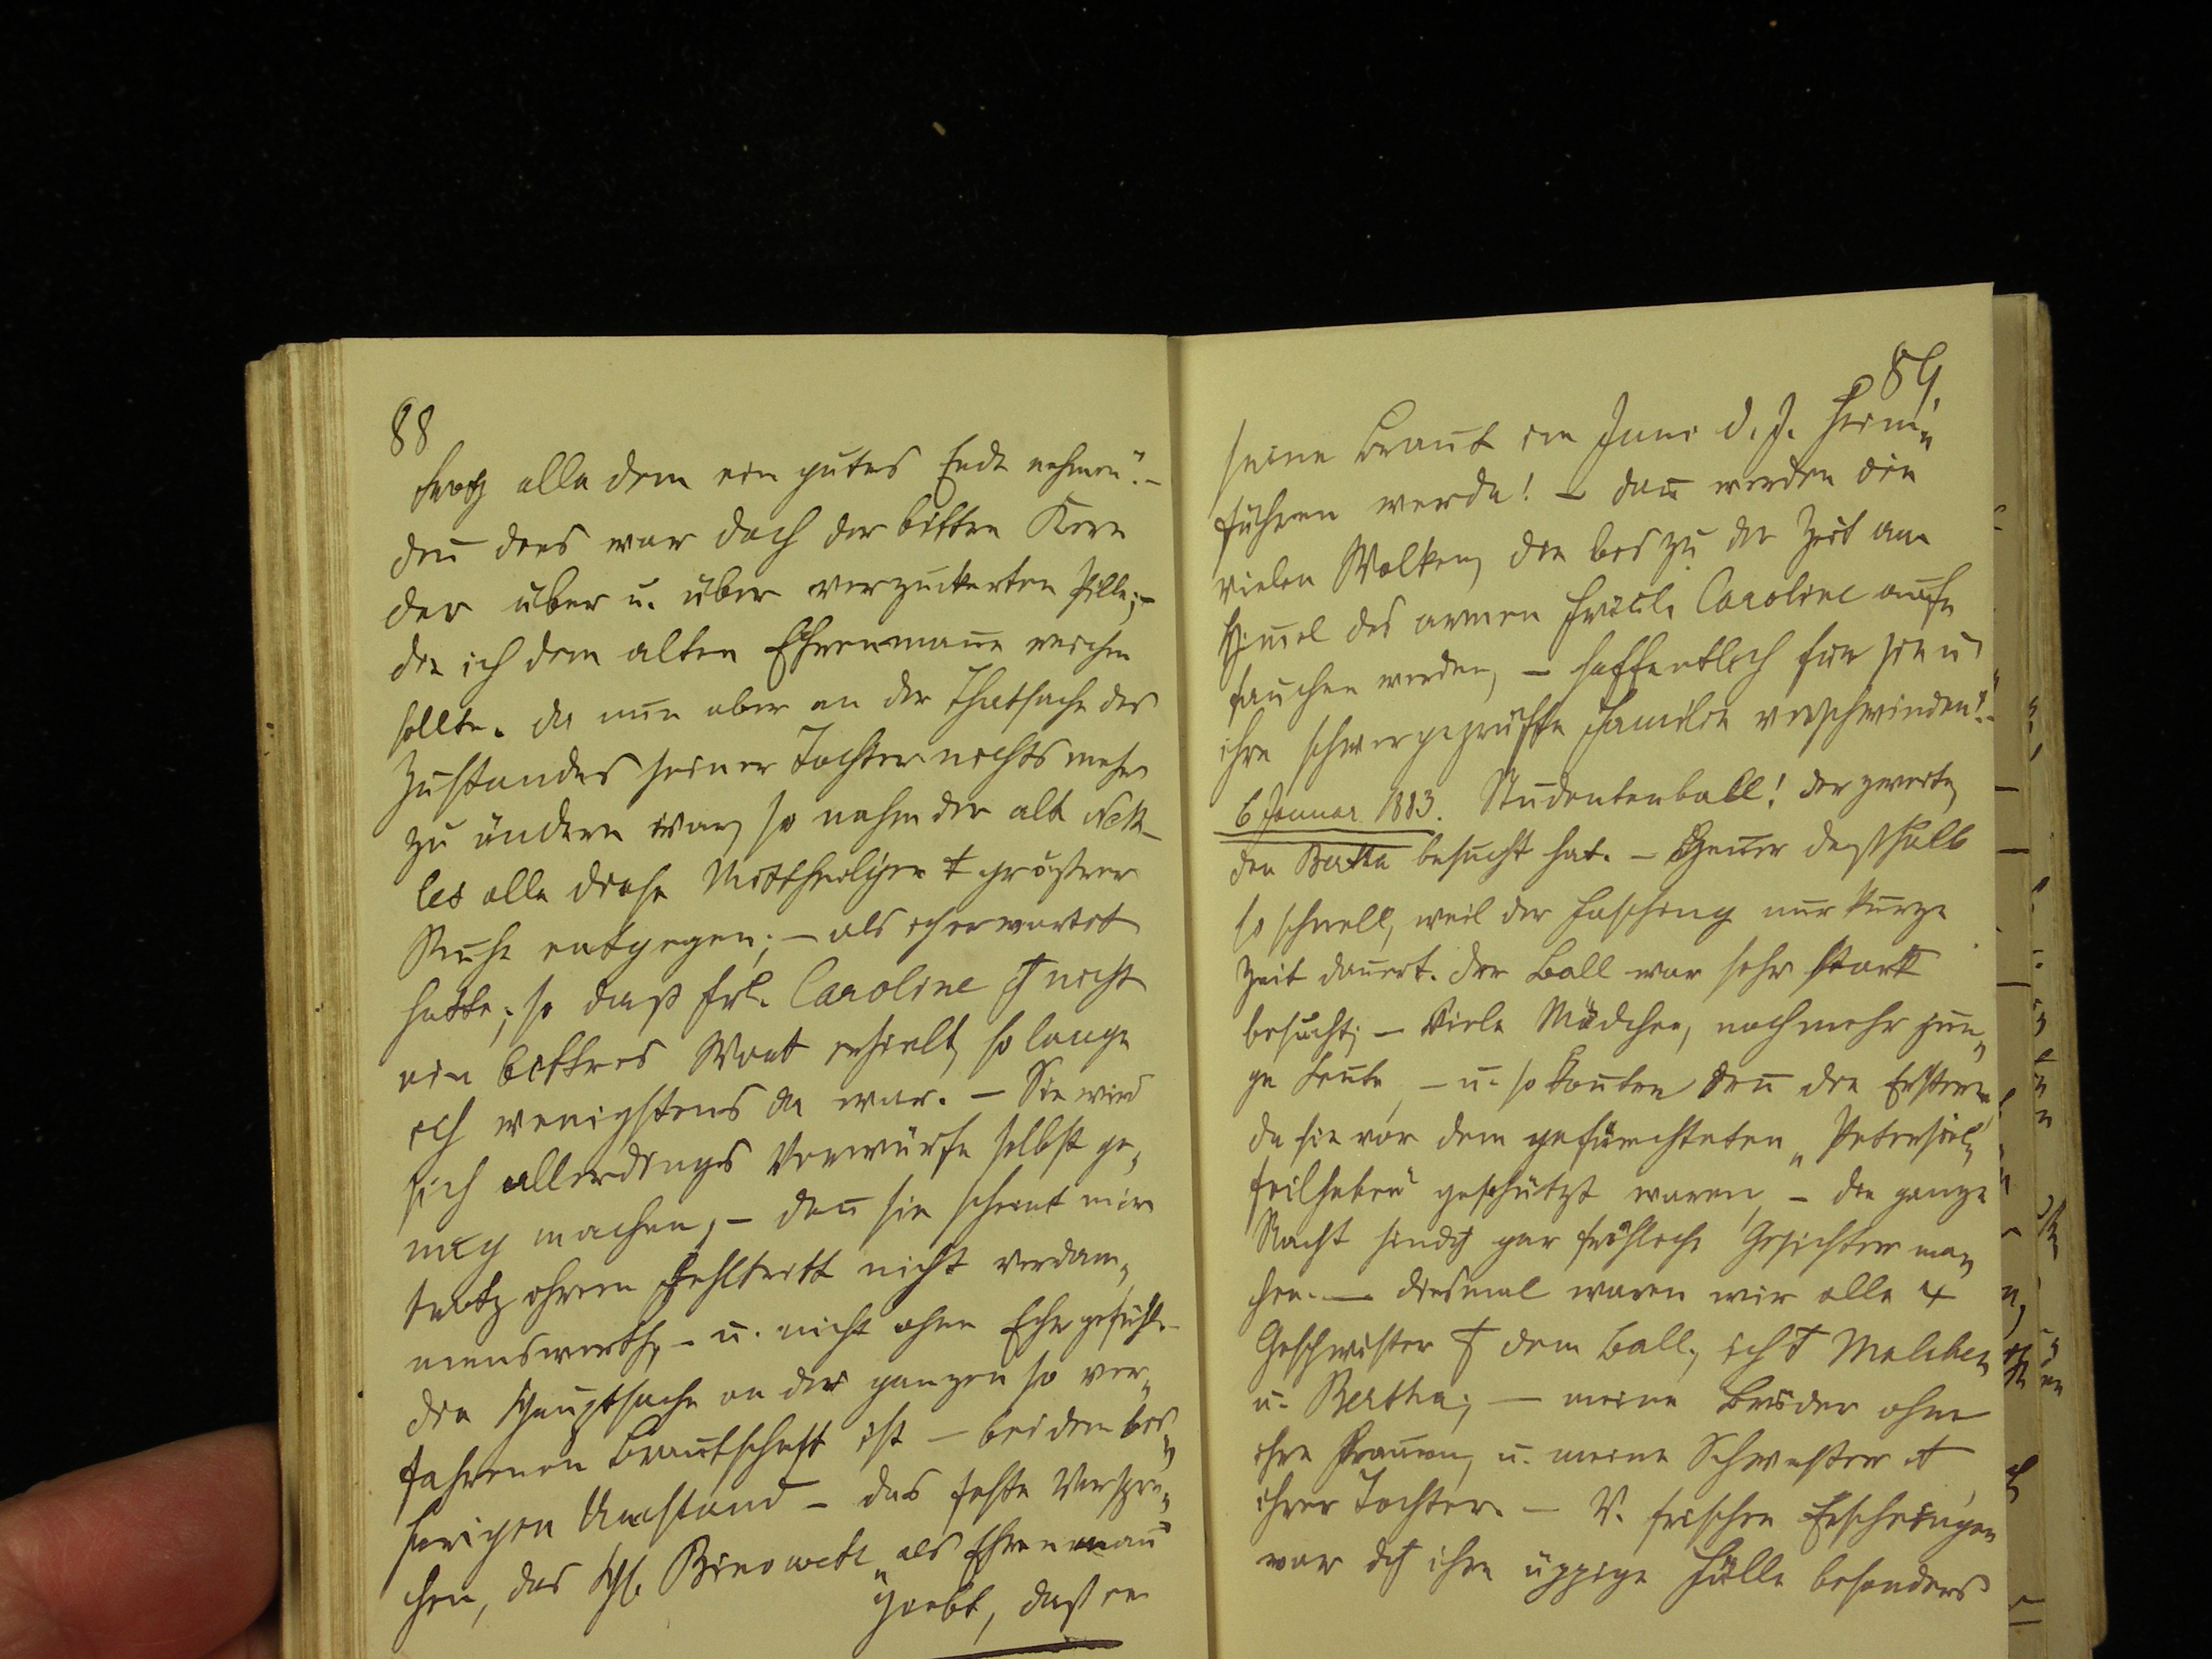88
trotz alledem ein gutes Ende nehmen.-
Denn dies war doch der bittere Kern
der über und über verzuckerten Pille.-
die ich dem alten Ehrenmann reichen
sollte. Da nun aber an der Thatsache des
Zustandes seiner Tochter nichts mehr
zu ändern war so nahm der alte Neck¬
les alle diese Mittheilungen mit größerer
Ruhe entgegen; - als ich erwartet
hatte,so daß Frl. Caroline auch nicht
ein bitteres Wort erhielt so lange
ich wenigstens da war,- Sie wird
sich allerdings Vorwürfe selbst ge¬
nug machen, denn sie scheint mir
trotz ihrem Fehltritt nicht verdam¬
menswerth,- und nicht ohne Ehrgefühl.
Die Hauptsache an der ganzen so ver¬
fahrenen Brautschaft ist- bei dem bis¬
herigen Umstand- das feste Verspre¬
chen, das Ltn. Binowek als Ehrenmann
gibt, daß er
89
seine Braut im Juni dieses Jahres heim¬
führen werde!- dann werden die
vielen Wolken die bis zu dieser Zeit am
Himmel des armen Fräuleins Caroline auf¬
tauchen werden,- hoffentlich für sie und
ihre schwergeprüften Familie verschwinden.
6. Januar 1883. Studentenball ! Der zweite
den Bertha besucht hat. Heuer deshalb
so schnell weil der Fasching nur kurze
Zeit dauert. Der Ball war sehr stark
besucht, - viele Mädchen, noch mehr jun¬
ge Leute ,- und so konnten denn die Ersteren
da sie vor dem gefürchteten „ ? Petersönhn¬
feilseken….“ geschützt waren, -die ganze
Nacht hindurch gar fröhliche Gesichter ma¬
chen. - Diesmal waren wir alle 4
Geschwister auf dem Ball, ich mit Malchen
und Bertha; - meine Brüder ohne
ihre Frauen, und meine Schwester mit
Ihrer Tochter- Von frischen Erscheinungen
war durch ihre üppige Fülle besonders